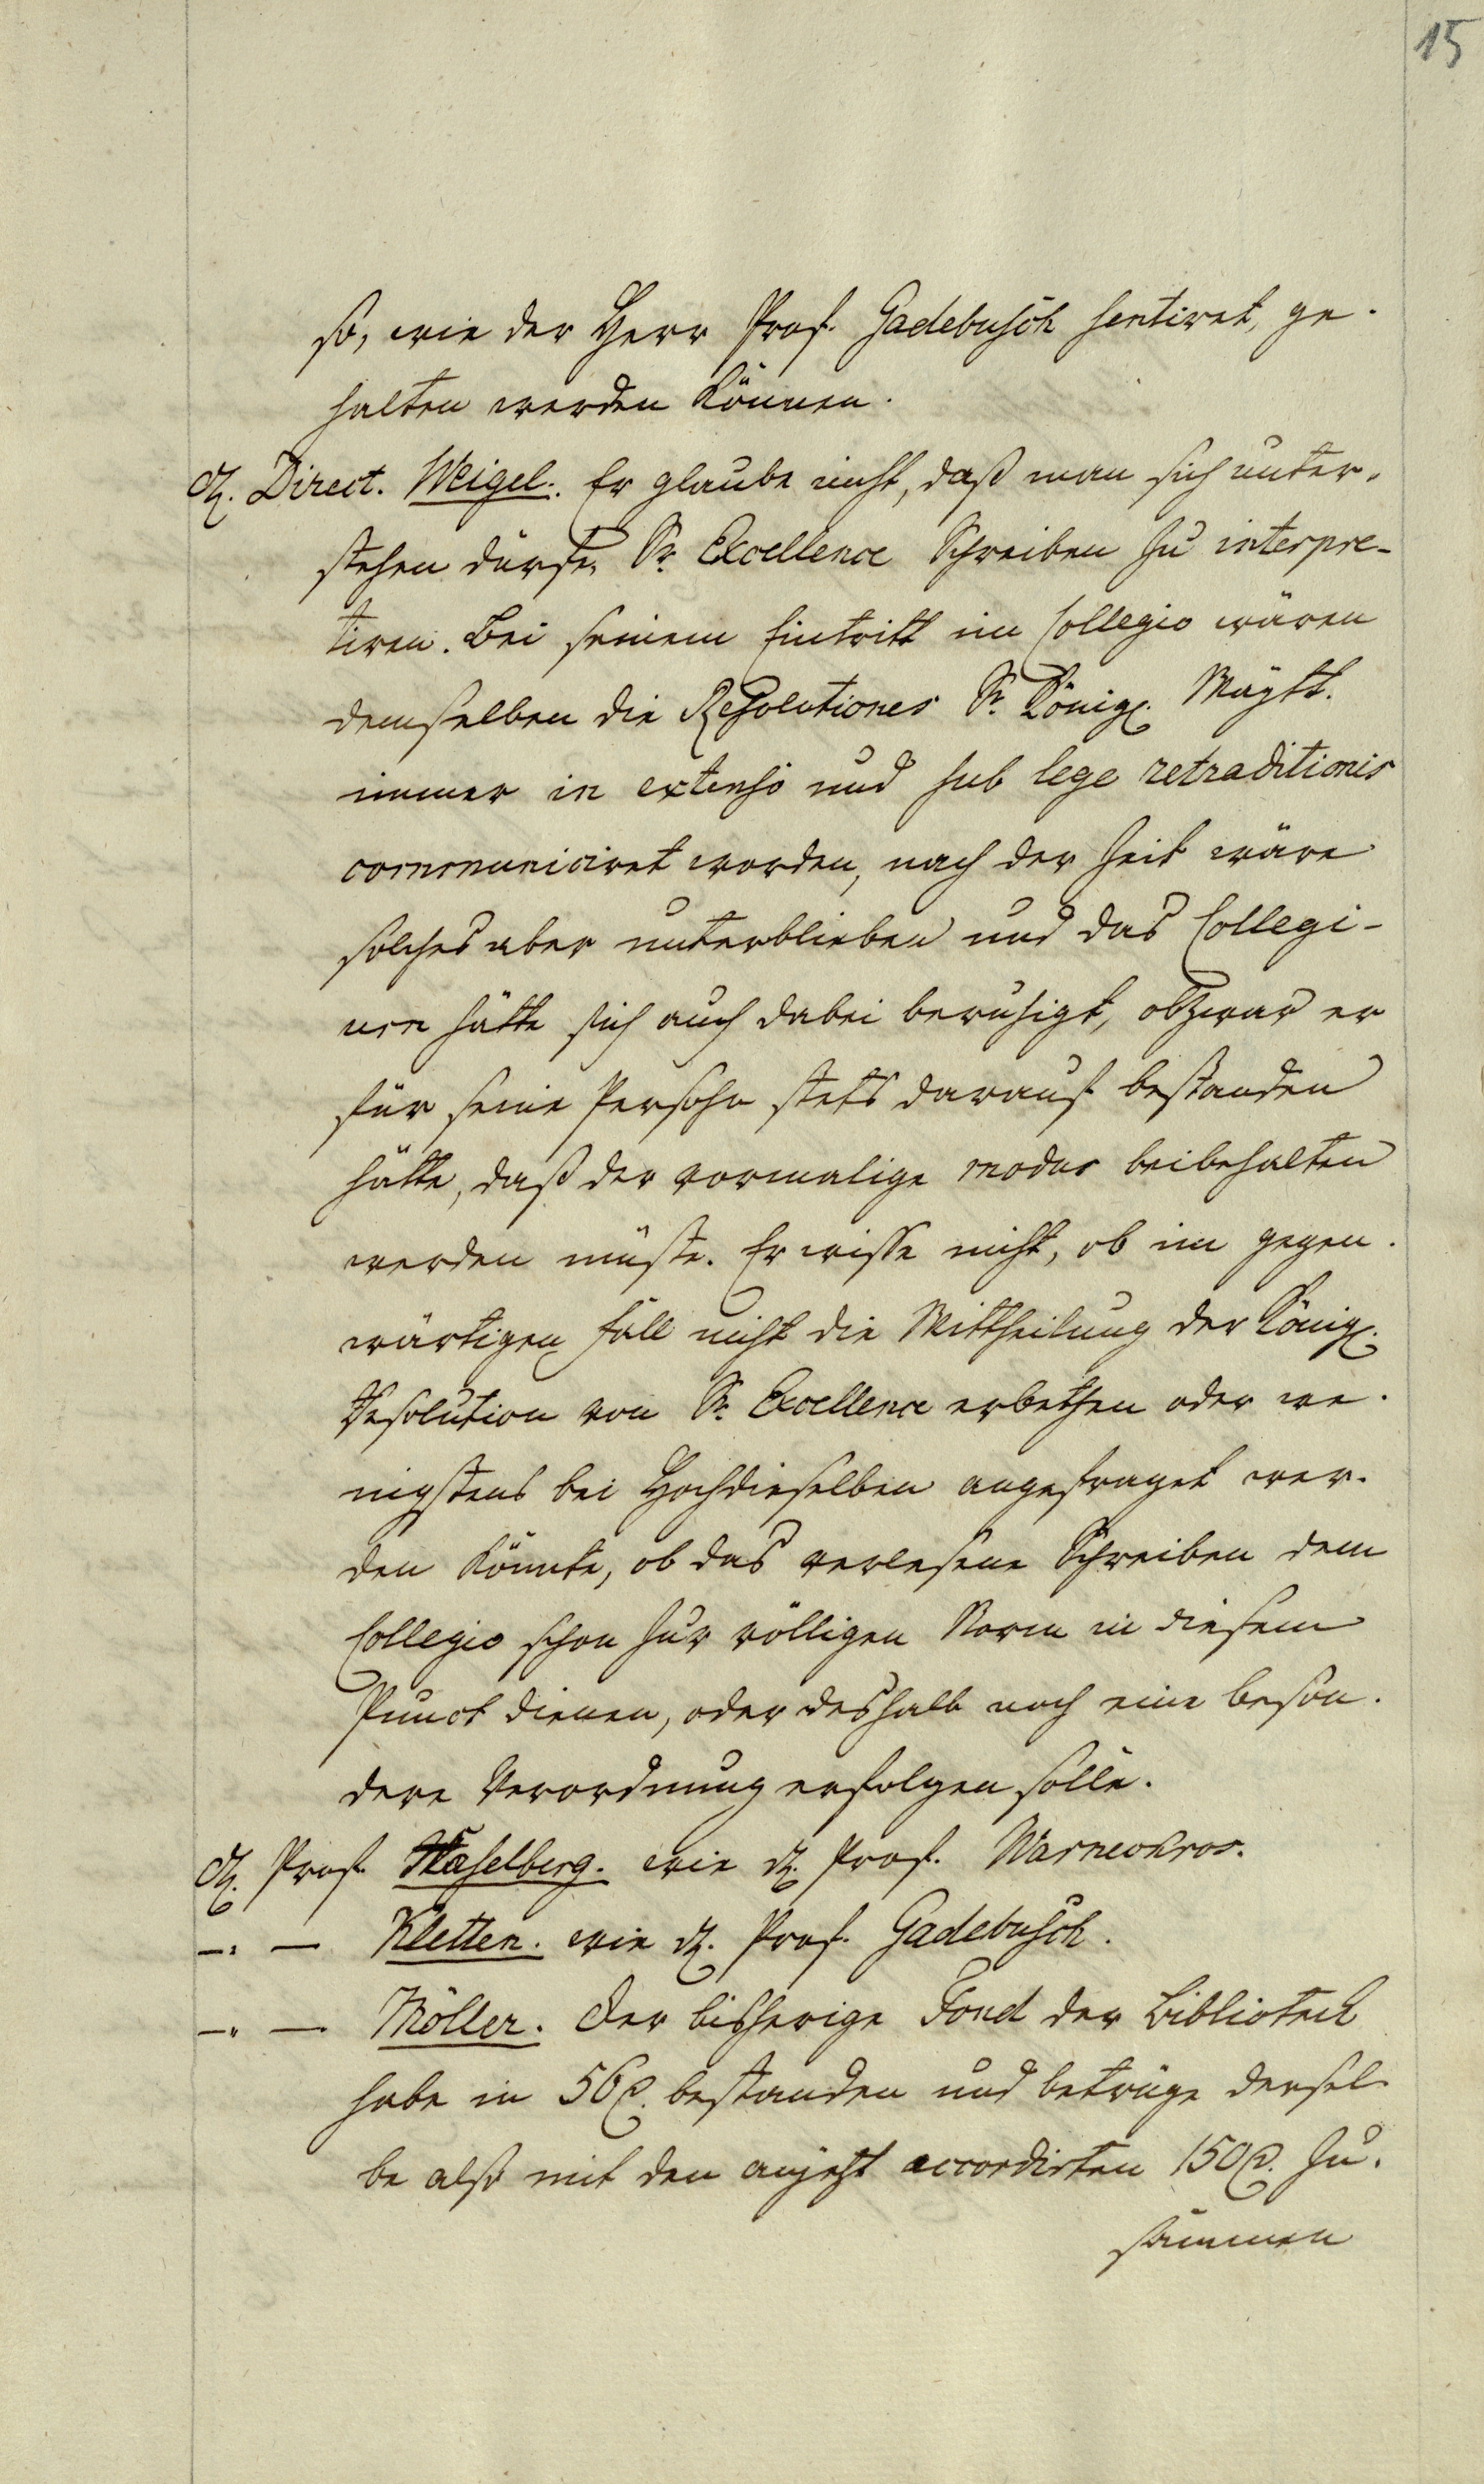so, wie der Herr Prof. Gadebusch sentiret, ge¬
halten werden können.
dh. Direct. Weigel: Er glaube nicht, daß man sich unter¬
stehen dürfe, Sr. Excellence Schreiben zu interpre¬
tiren. Bei seinem Eintritt im Collegio wären
demselben die Resolutiones Sr. Königl. Maÿst.
immer in extenso und sub lege retraditionis
communiciret worden, nach der Zeit wäre
solches aber unterblieben und das Collegi¬
um hätte sich auch dabei beruhigt, obzwar er
für seine Persohn stets darauf bestanden
hätte, daß der vormalige modus beibehalten
werden müsste. Er wisse nicht, ob im gegen¬
wärtigen Fall nicht die Mittheilung der Königl.
Resolution von Sr. Excellence erbethen oder we¬
nigstens bei Hochdieselben angefragt wer¬
den könnte, ob das verlesene Schreiben dem
Collegio schon zur völligen Norm in diesem
Punct dienen, oder deshalb noch eine beson¬
dere Verordnung erfolgen solle.
dh. Prof. Haselberg. wie dh. Prof. Warneckros.
— " — Kletten. wie dh. Prof. Gadebusch.
— " — Möller. Der bisherige Fond der Bibliotek
habe in 50 rtl. bestanden und betrüge dersel¬
be alß mit den anjetzt accordirten 150 rtl. zu¬
sammen